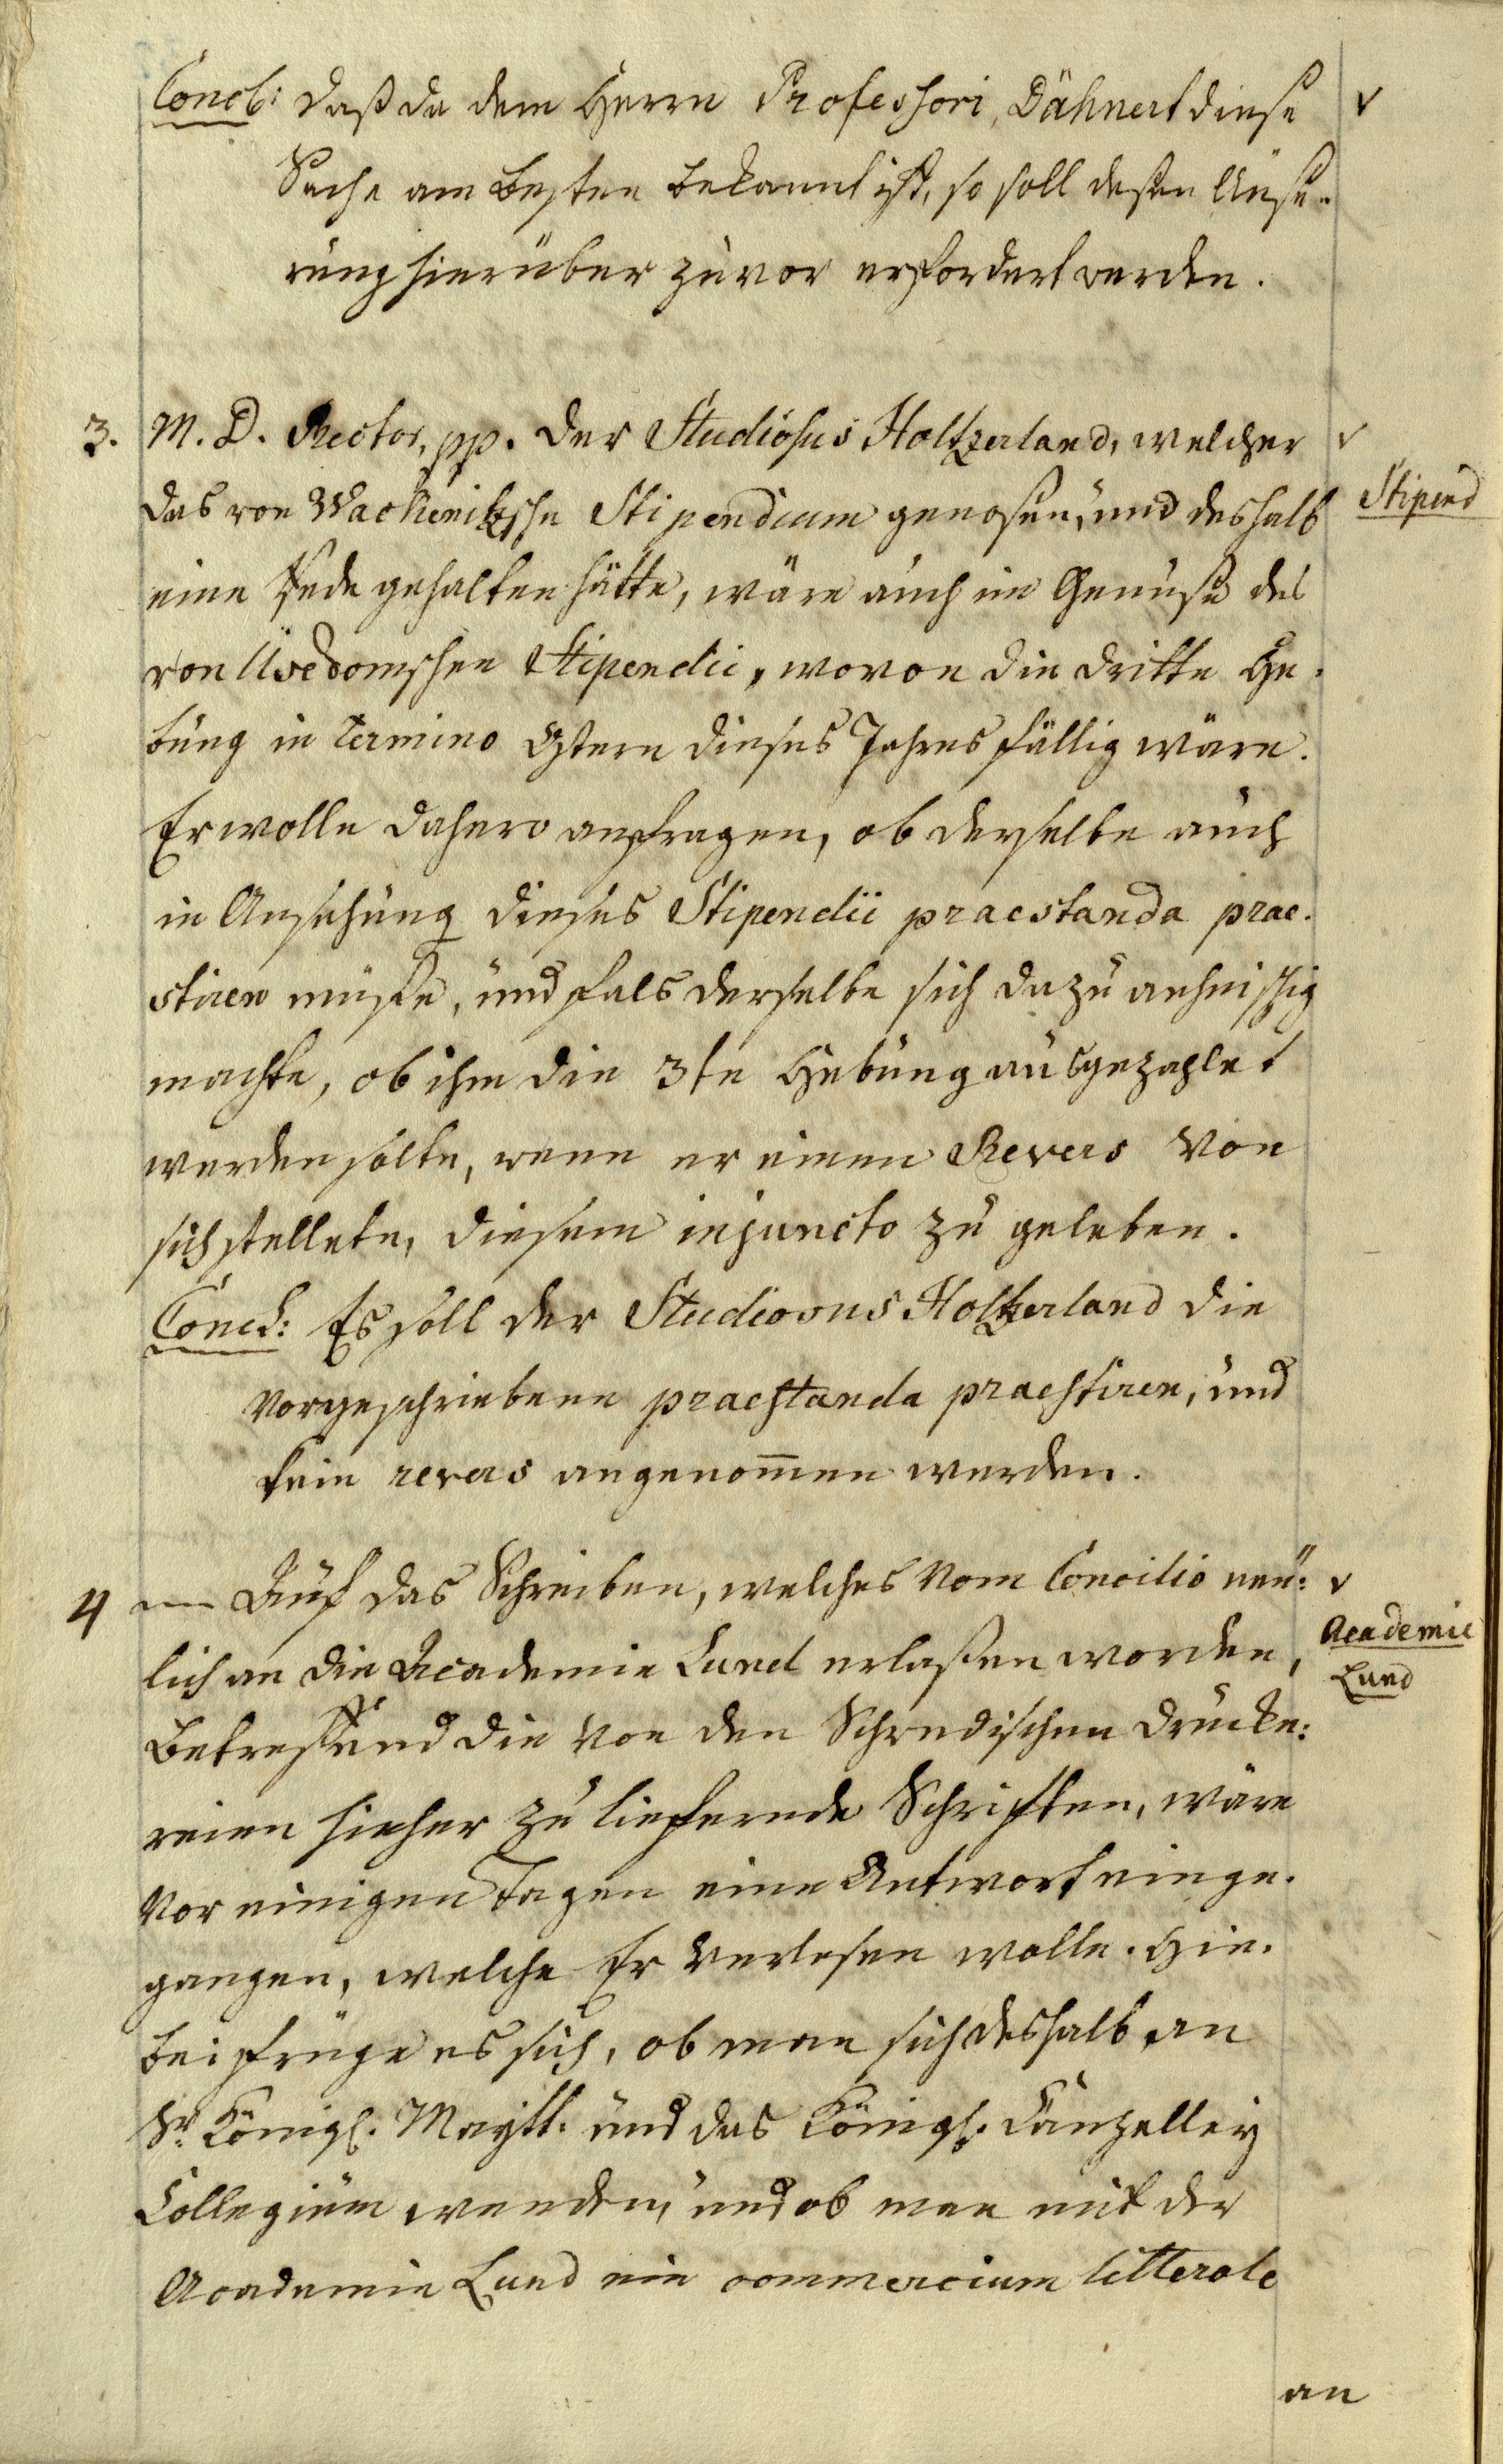Concl. Daß da dem Herrn Professori Dähnert diese
Sache am Besten bekannt ist, so soll deßen Äuße¬
rung hierüber zuvor erfordert werden.
3. M. D. Rector pp. Der Studiosus Holtzerland, welcher
das von Wackenitzsche Stipendium genoßen, und deshalb
eine Rede gehalten hätte, wäre auch im Genuße des
von Usedomschen Stipendii, wovon die dritte He¬
bung in Termino Ostern dieses Jahres fällig wäre.
Er wolle dahero anfragen, ob derselbe auch
in Ansehung dieses Stipendii praestanda prae¬
stiren müße, und fals derselbe sich dazu anheischig
machte, ob ihm die 3 te Hebung ausgezahlet
werden solte, wenn er einen Revers von
sich stellete, diesem injuncto zu geleben.
Concl. Es soll der Studiosus Holtzerland die
vorgeschrieben praestanda praestiren, und
kein revers angenomen werden.
4 Auf das Schreiben, welches vom Concilio neu¬
lich an die Academie Lund erlaßen worden,
Betreffend die von den Schwedischen Drucke¬
reien hieher zuliefernde Schriften,wäre
vor einigen Tagen eine Antwort einge¬
gangen, welche Er verlesen wolle. Hie¬
bei früge es sich, ob man sich deshalb an
Sr. Königl. Maÿtt. und das Königl. Canzelleÿ
Collegium wenden, und ob man mit der
Academie Lund ein commercium litterale